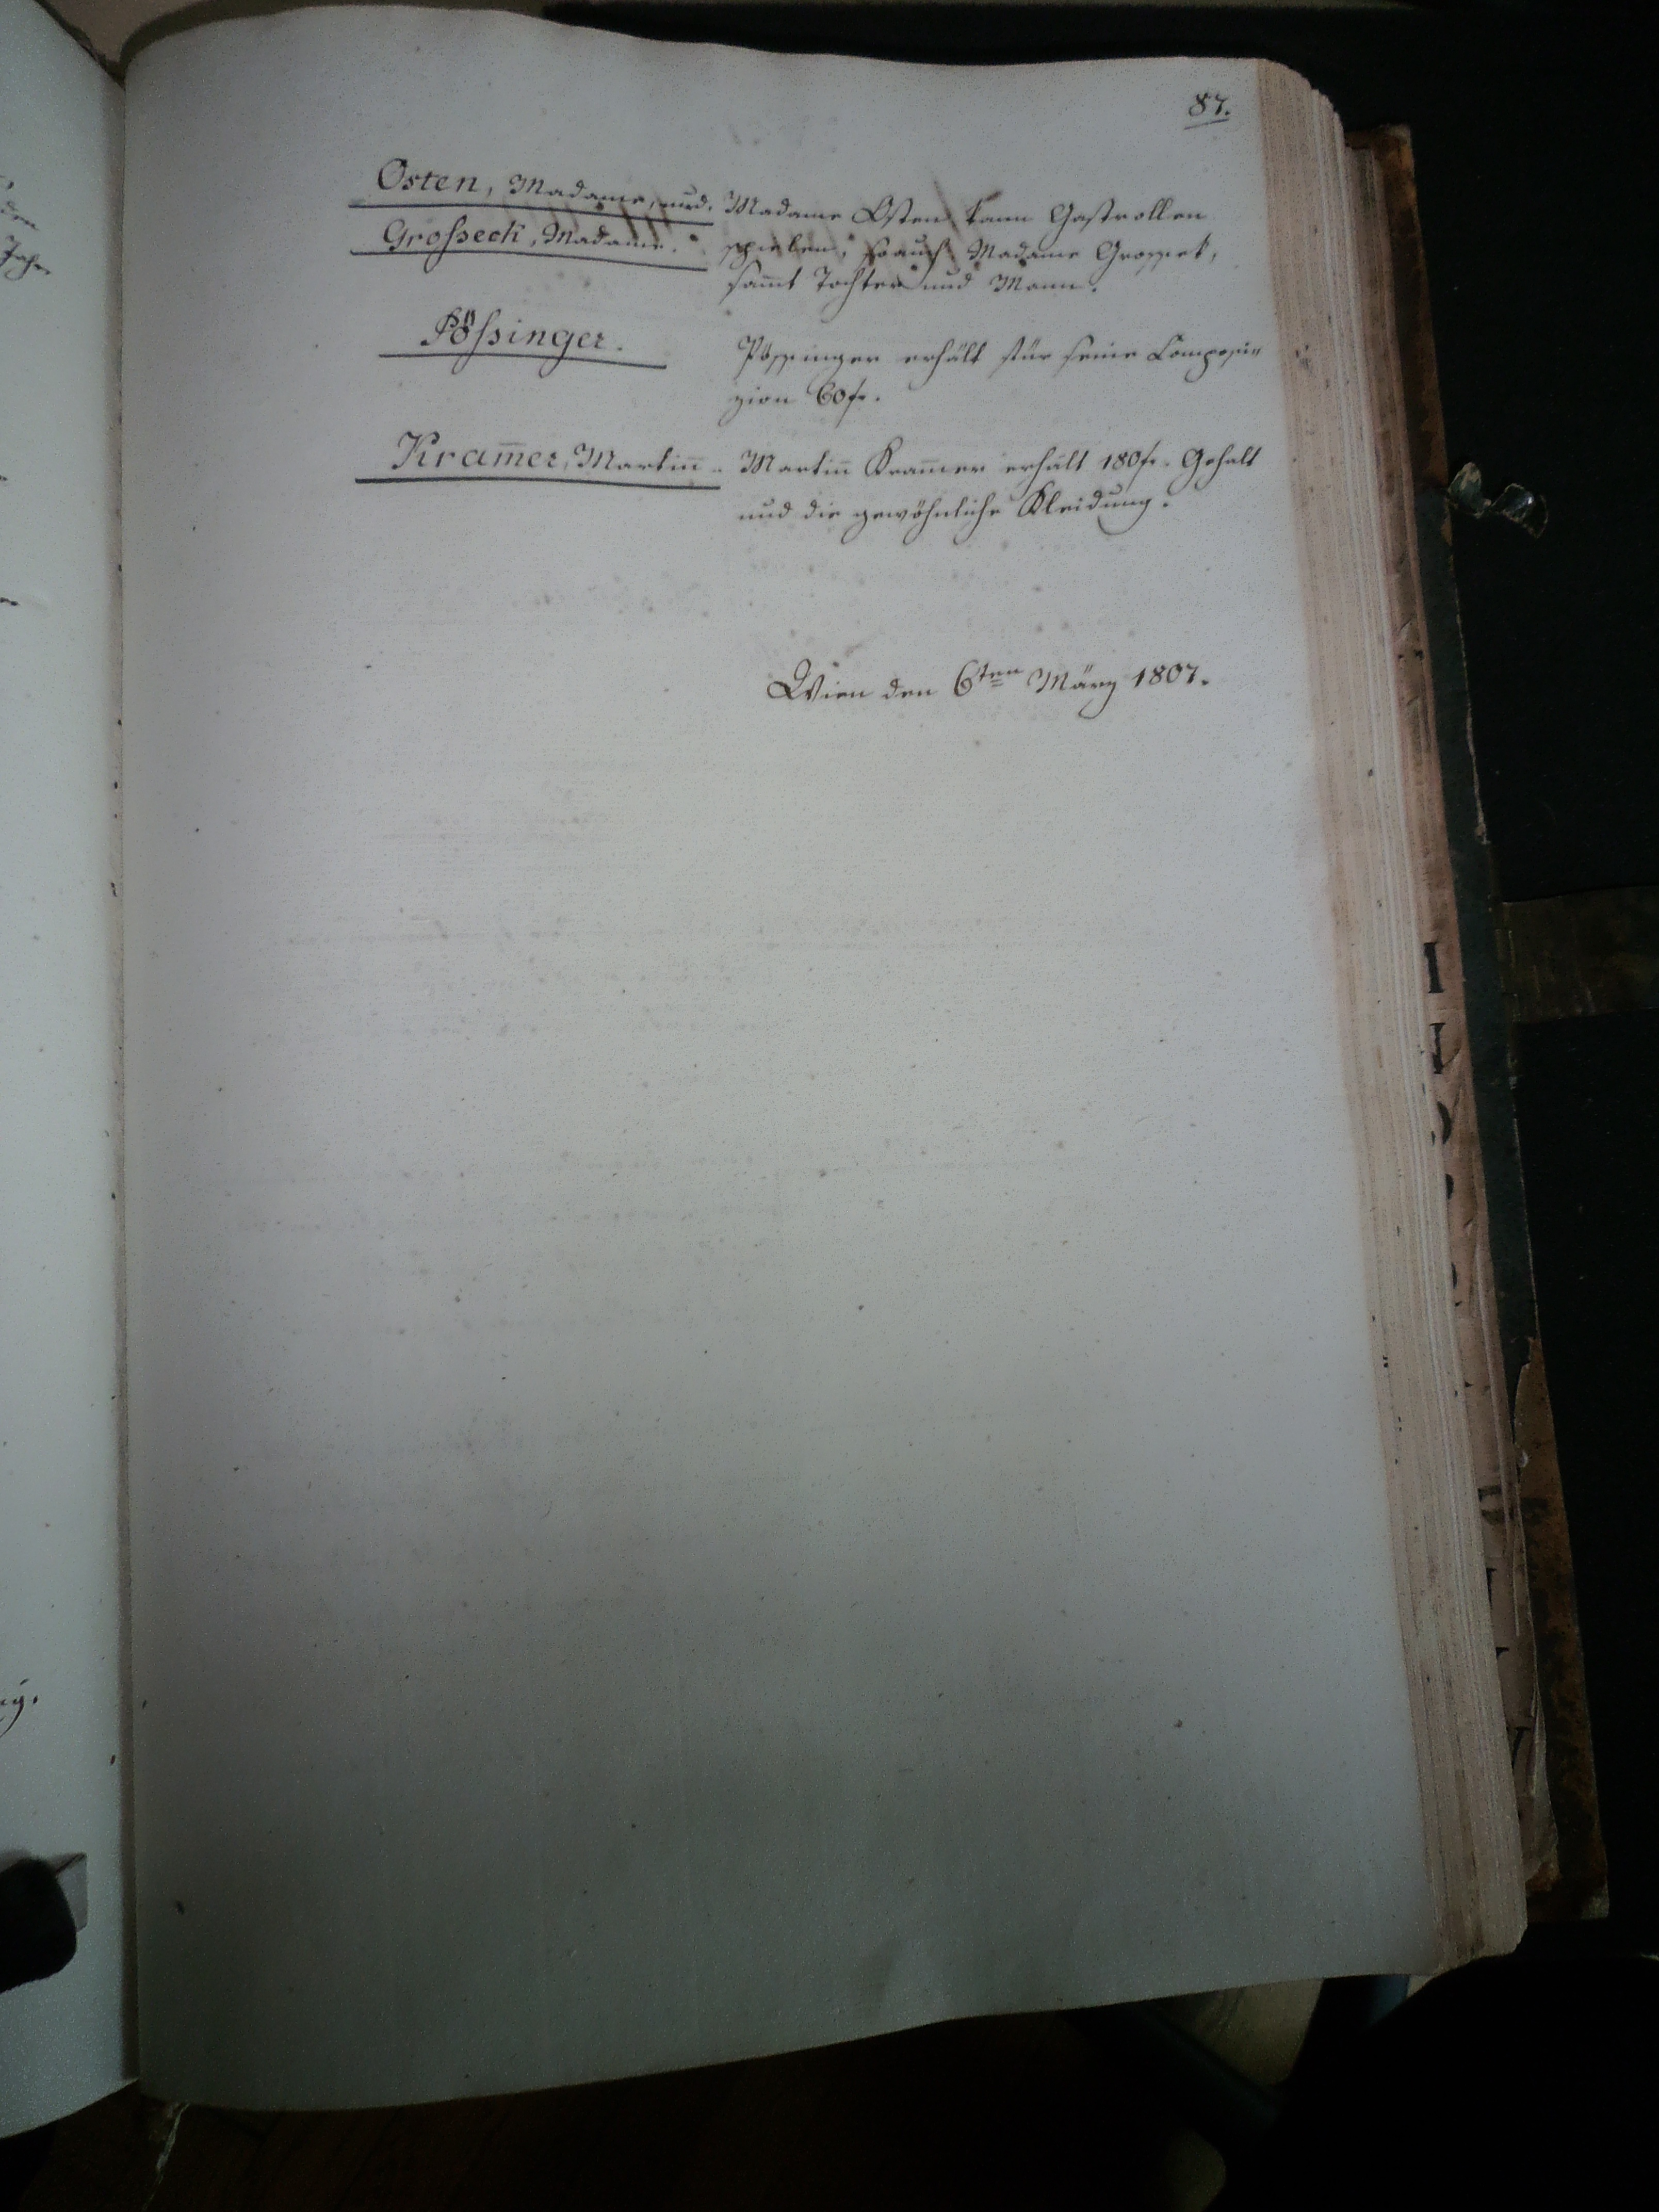87.
Osten, Madame, und
Grosseck, Madame.
Madame Osten kann Gastrollen
spielen, so auch Madame Grosseck,
sam̅t Tochter und Mann.
Pössinger. Pössinger erhält für seine Composi¬
zion 60fr.
Kram̅er, Martin̅ Martin̅ Kram̅er erhält 180fr. Gehalt
und die gewöhnliche Kleidung.
Wien den 5te͇n März 1807.